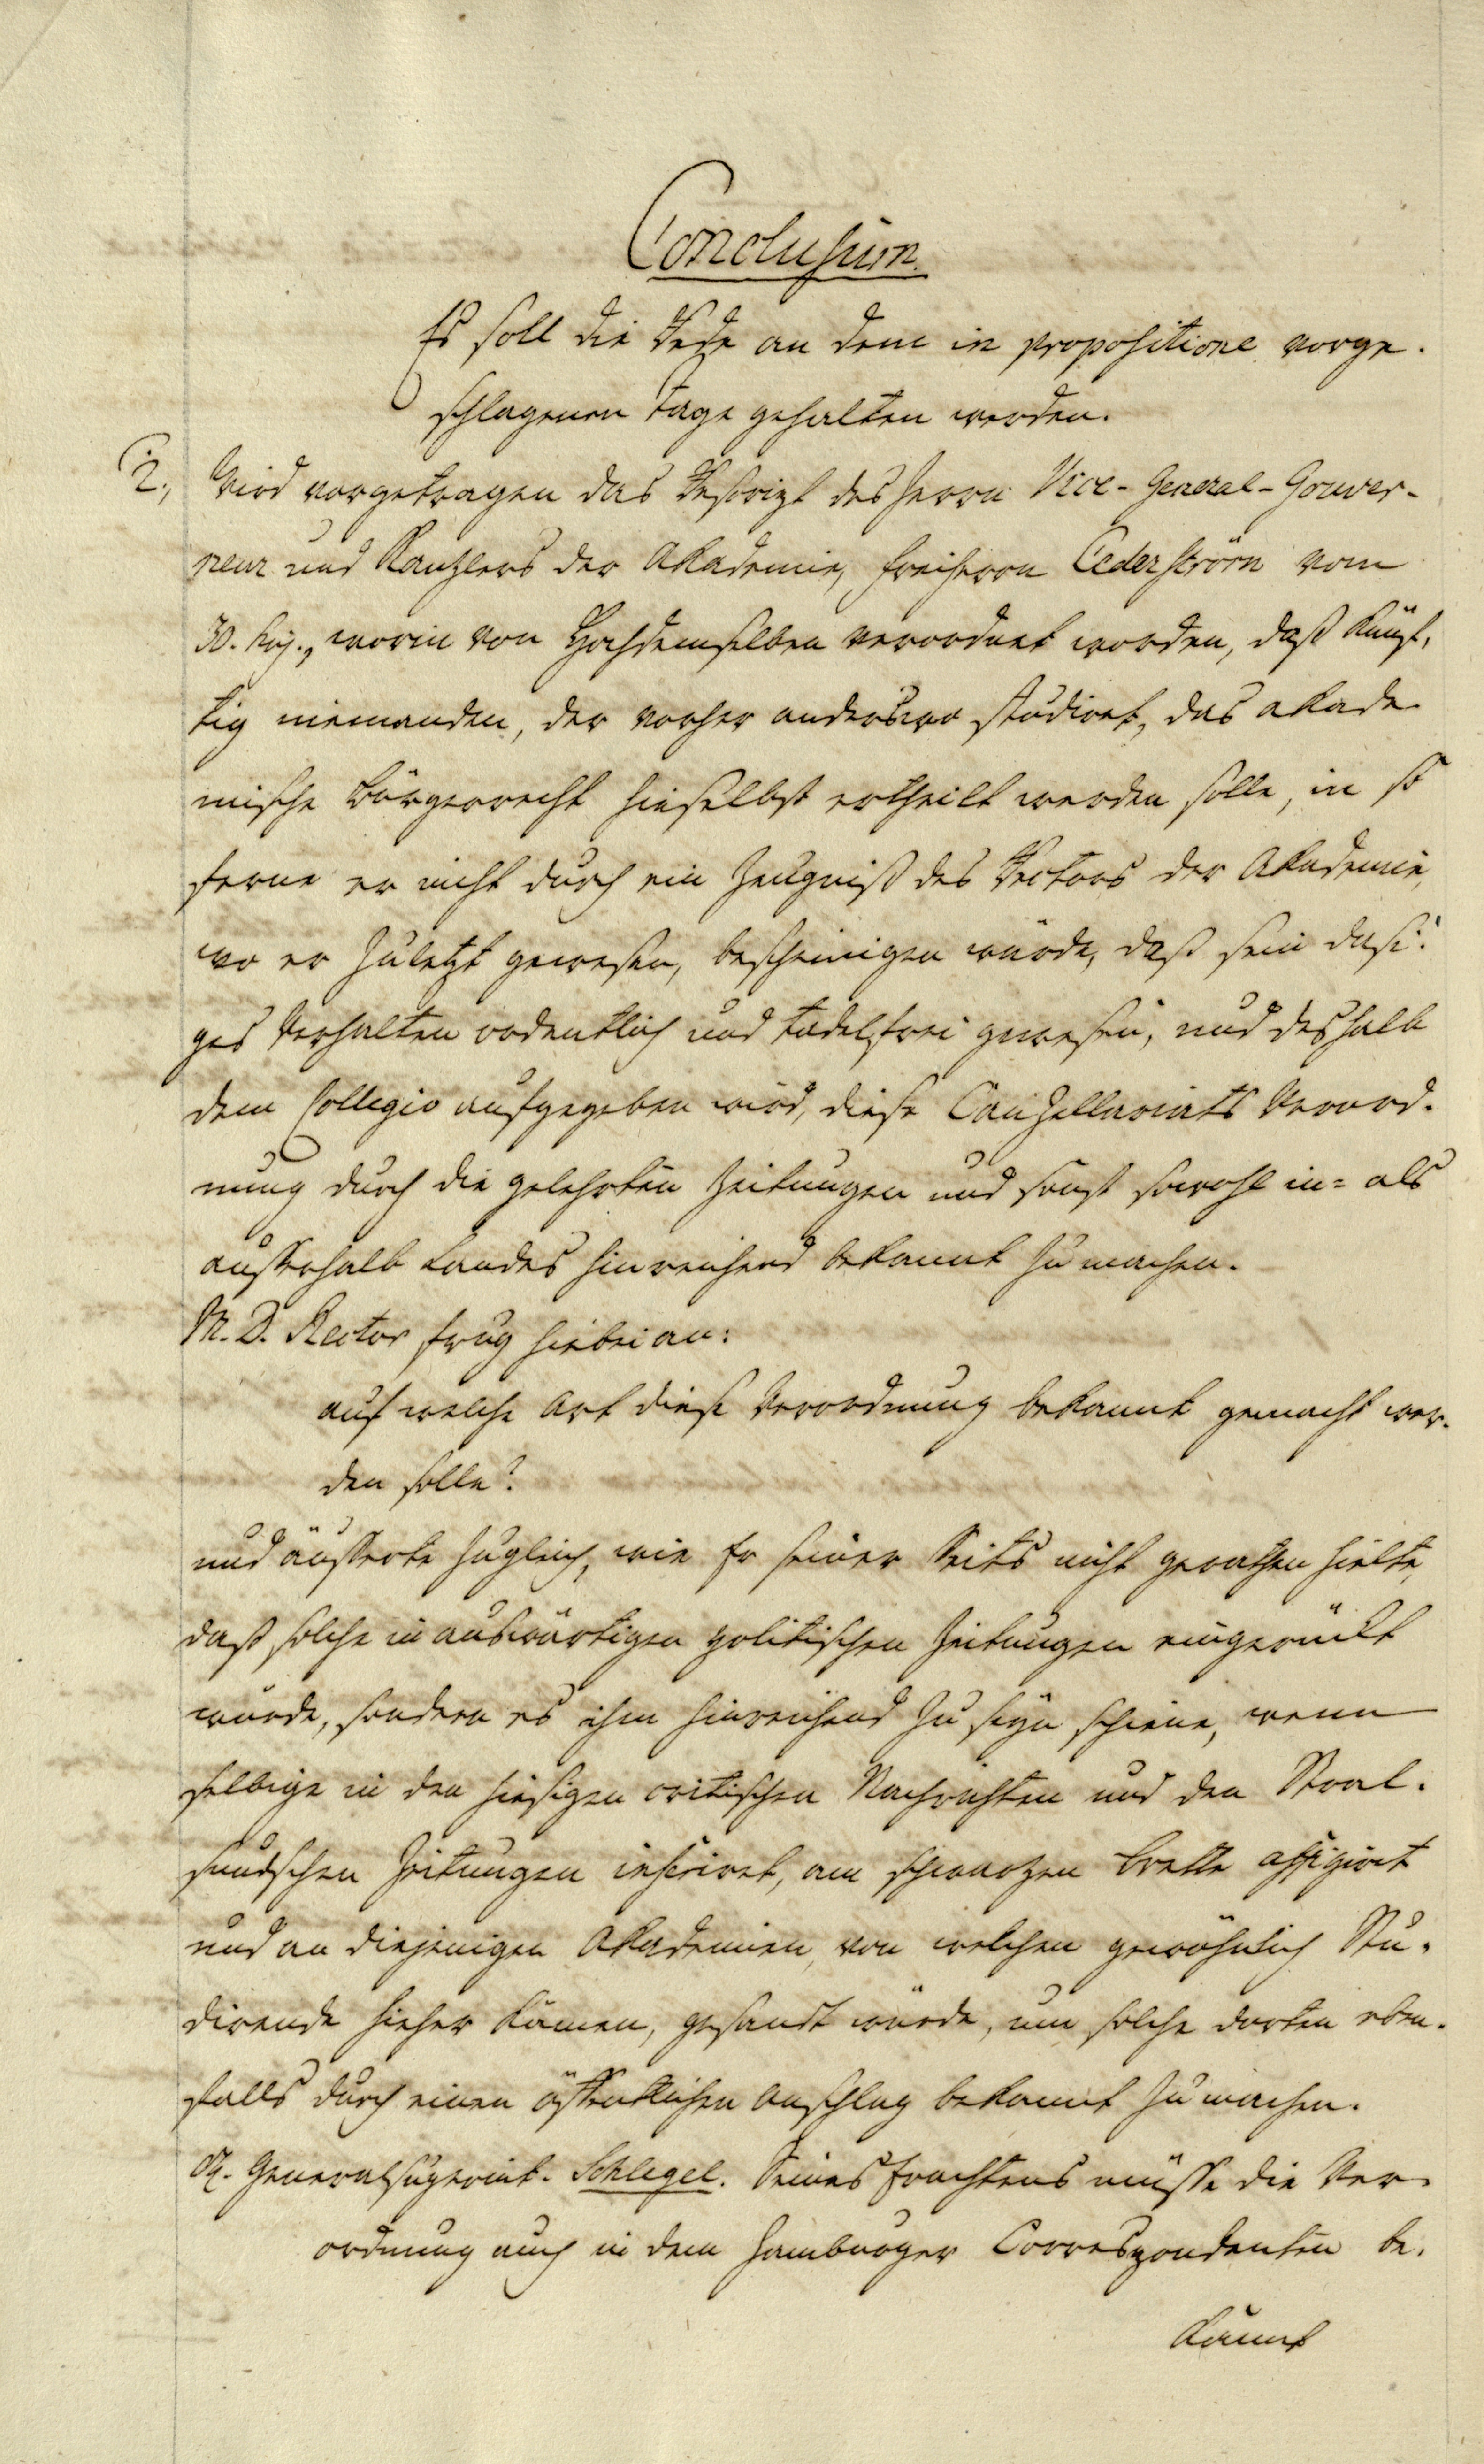Conclusum
Es soll die Rede an dem in propositione vorge¬
schlagenen Tage gehalten werden.
2., Wird vorgetragen das Rescript des Herrn Vice- General- Gouver¬
neur und Kanzlers der Akademie, Freiherrn Cederström vom
30. huj., worin von Hochdemselben verordnet worden, daß künf¬
tig niemanden, der vorher anderswo studiret, das akade¬
mische Bürgerrecht hieselbst ertheilt werden solle, in so
ferne er nicht durch ein Zeugniß des Rectors der Akademie,
wo er zuletzt gewesen, bescheinigen würde, daß sein dasi¬
ges Verhalten ordentlich und tadelfrei gewesen, und deshalb
dem Collegio aufgegeben wird, diese Canzellariats Verord¬
nung durch die gelehrten Zeitungen und sonst sowohl in- als
ausserhalb Landes hinreichend bekannt zu machen.
M. D. Rector frug hiebei an:
auf welche Art diese Verordnung bekannt gemacht wer¬
den solle?
und äusserte zugleich, wie Er seiner Seits nicht gerathen hielte,
daß solche in auswärtigen politischen Zeitungen eingerückt
würde, sondern es ihm hinreichend zu seÿn schiene, wenn
selbige in den hiesigen critischen Nachrichten und den Stral¬
sendschen Zeitungen inseriret, am schwarzen Brette affigiret
und an diejenigen Akademien von welchen gewöhnlich Stu¬
dirende hieher kämen, gesandt würde, um solche dorten eben¬
falls durch einen öffentlichen Anschlag bekannt zu machen.
dh. Generatsuperint. Schlegel. Seines Erachtens müsse die Ver¬
ordnung auch in dem Hamburger Correspondenten be¬
kannt